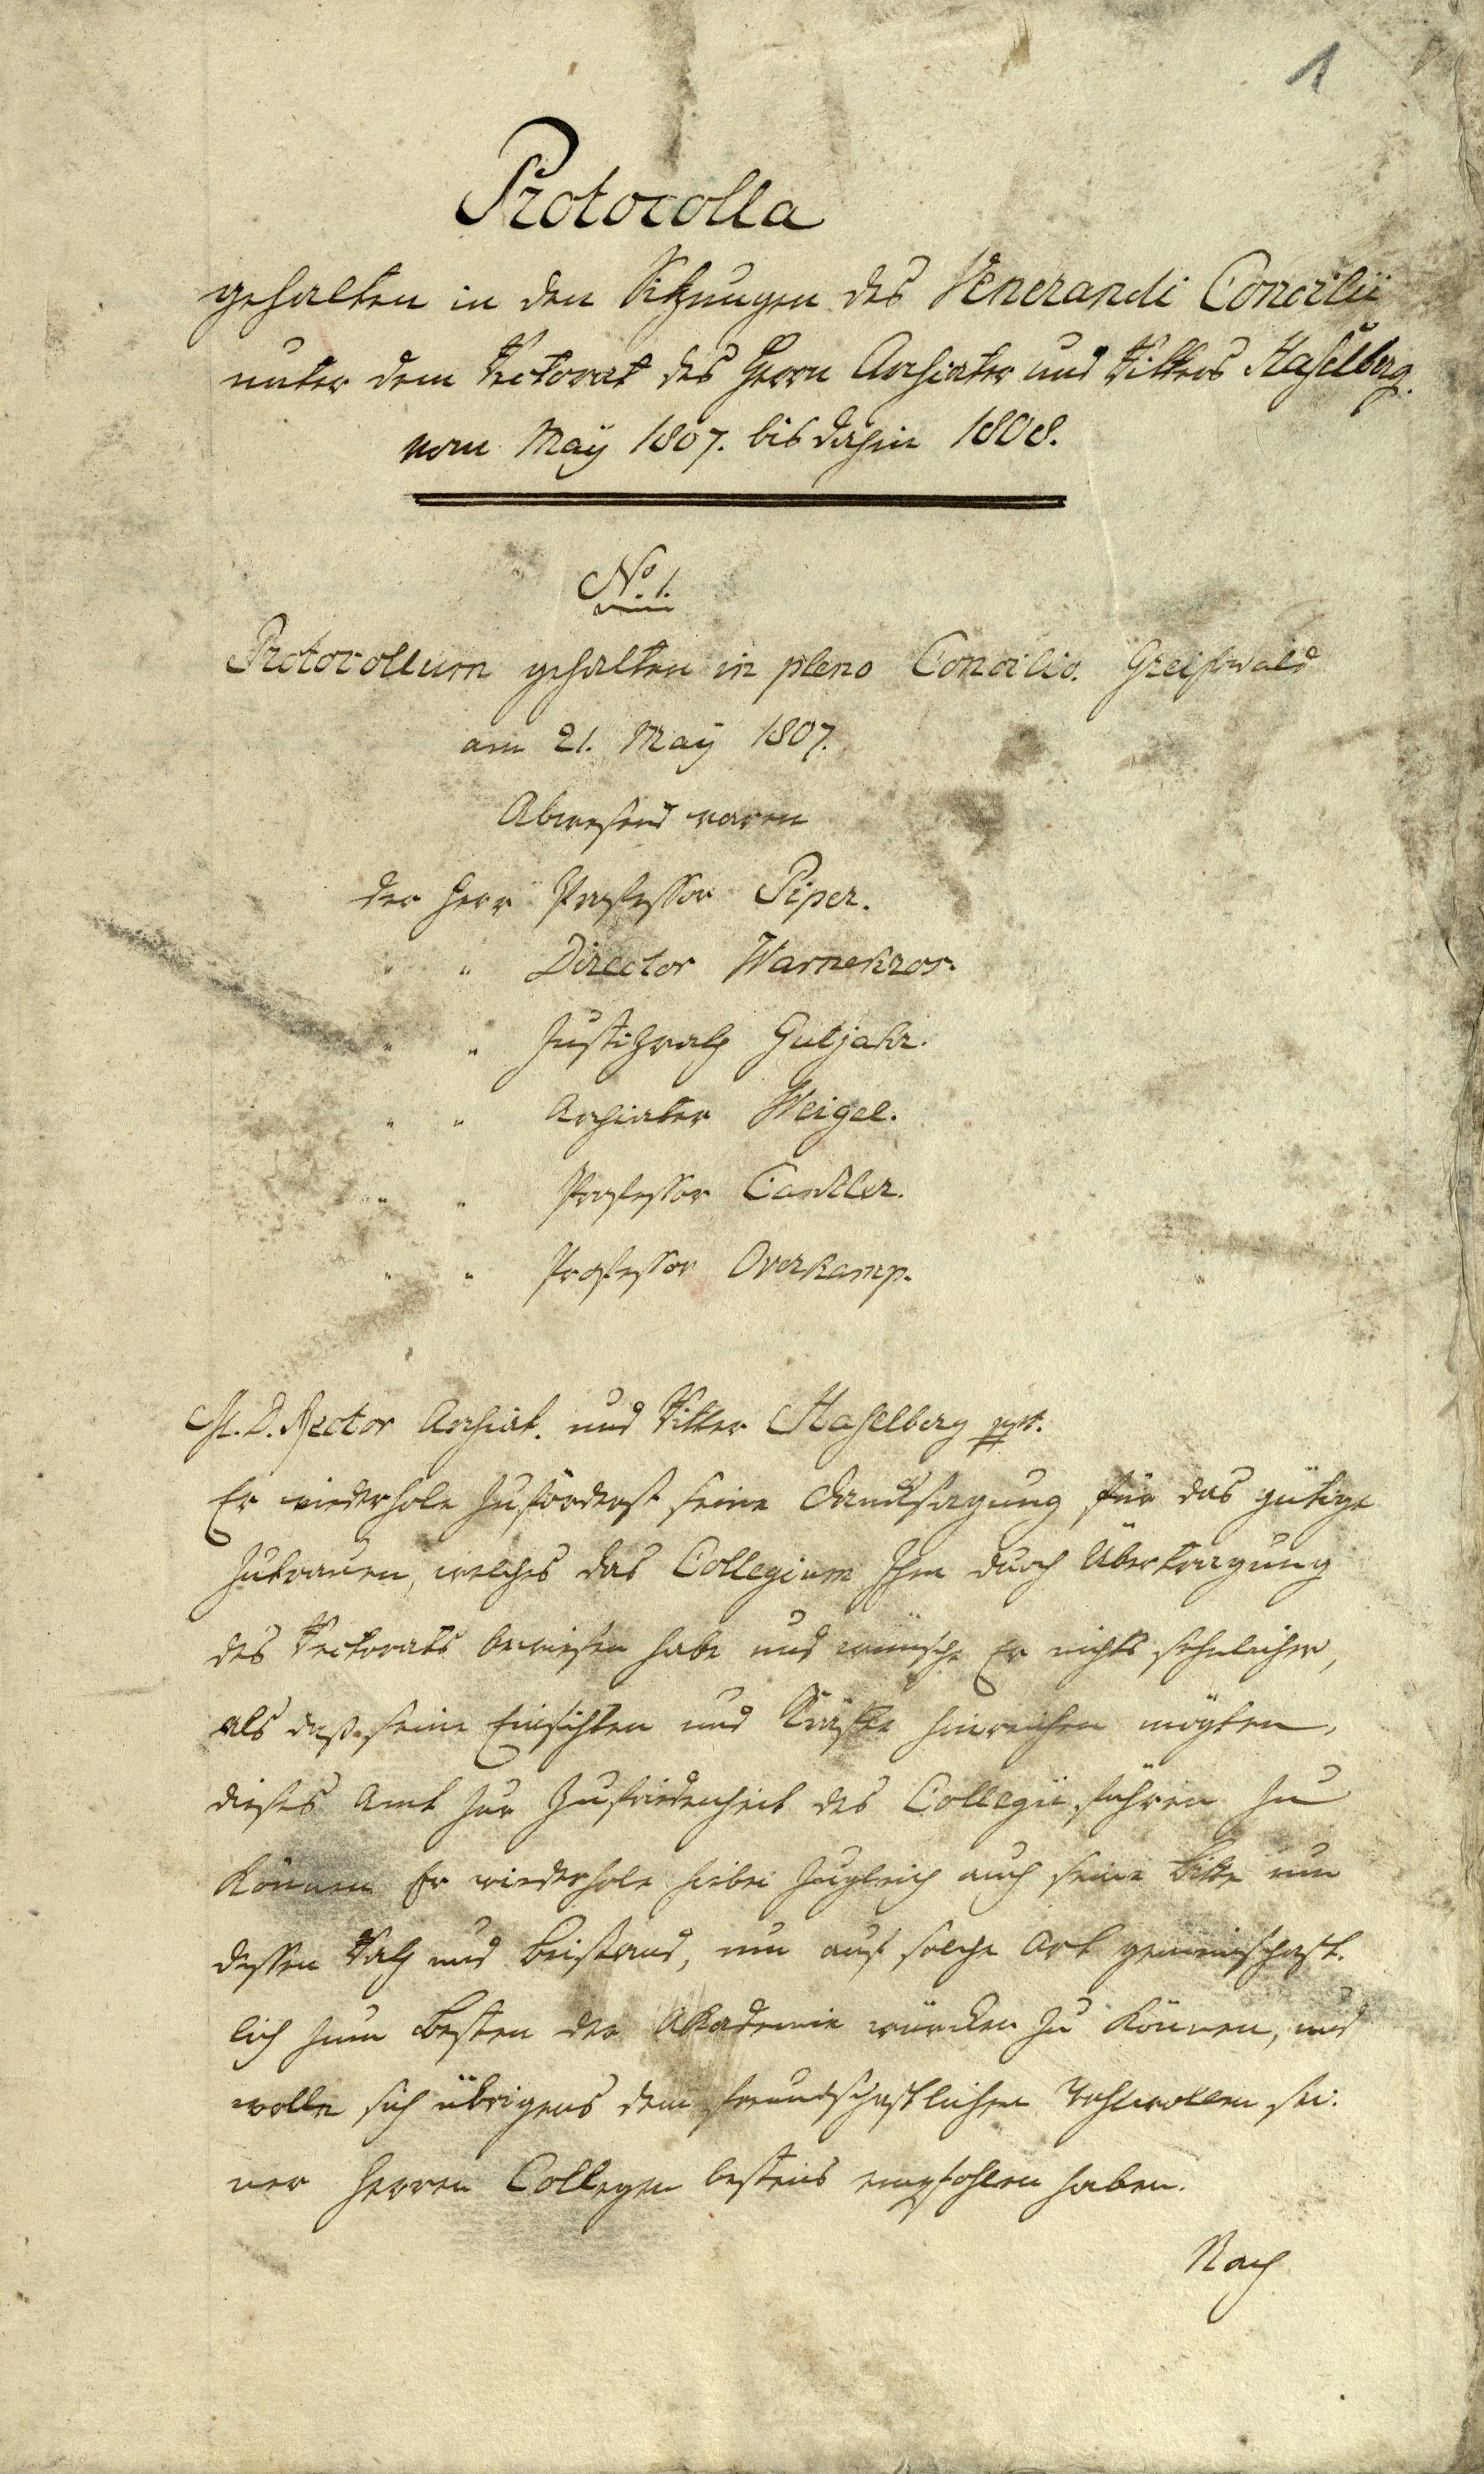Protocolla
gehalten in den Sitzungen des Venerandi Concilii
unter dem Rectorat des Herrn Archiater und Ritters Haselberg.
vom Maÿ 1807. bis dahin 1808.
No 1.
Protocollum gehalten in pleno Concilio Greifswald
am 21. Maÿ 1807.
Abwesend waren
der Herr Professor Piper.
Director Warnekros.
Justizrath Gutjahr.
Archiater Weigel.
Professor Canzler.
Professor Overkamp.
M D. Rector Archiat. und Ritter Haselberg ppt.
Er wiederhole zuförderst seine Danksagung für das gütige
Zutrauen, welches das Collegium Ihm durch Übertragung
des Rectorats bewiesen habe und wünsche Er nichts sehnlicher,
als daß seine Einsichten und Kräfte, hinreichen mögten,
dieses Amt zur Zufriedenheit des Collegii führen zu
können. Er wiederhole hiebei zugleich auch seine Bitte um
dessen Rath und Beistand, um auf solche Art gemeinschaft¬
lich zum Besten die Akademie würcken zu können, und
wolle sich übrigens dem freundschaftlichen Wohlwollen sei¬
ner Herren Collegen bestens empfohlen haben.
Nach